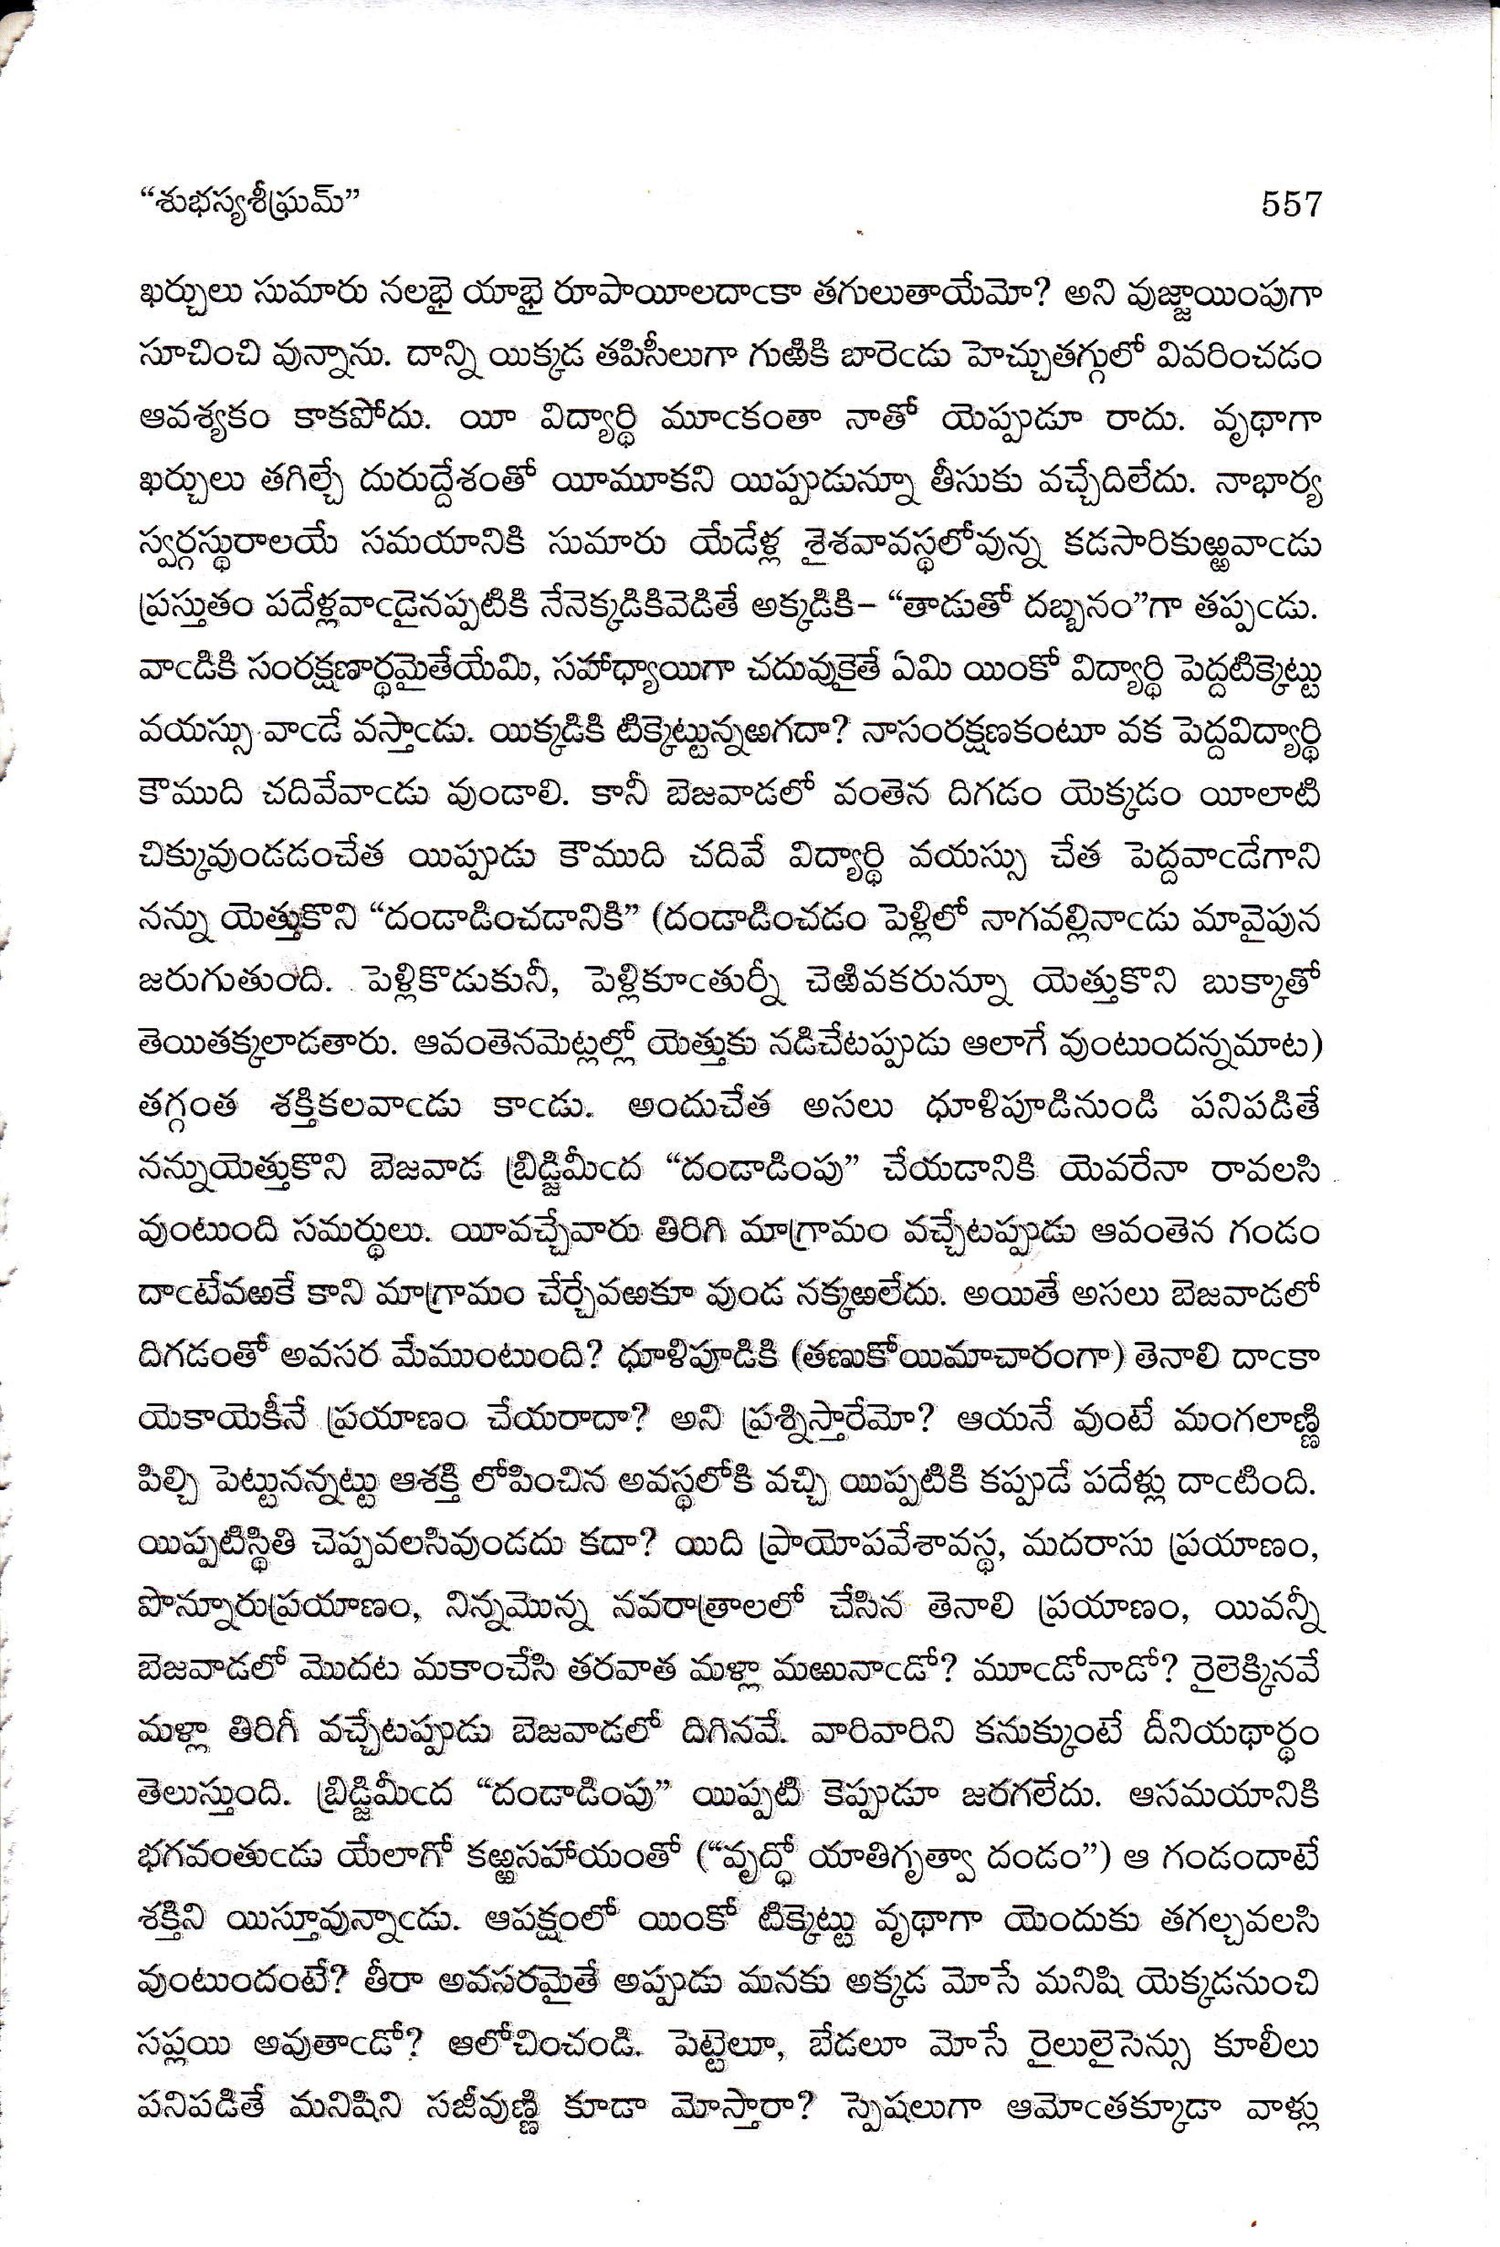ఖర్చులు సుమారు నలభై యాభై రూపాయిలదాఁకా తగులుతాయేమో? అని వుజ్జాయింపుగా సూచించి వున్నాను. దాన్ని యిక్కడ తపిసీలుగా గుఱికి బారెఁడు హెచ్చుతగ్గులో వివరించడం ఆవశ్యకం కాకపోదు. యూ విద్యార్థి మూఁకంతా నాతో యెప్పుడూ రాదు. వృథాగా ఖర్చులు తగిల్చే దురుద్దేశంతో యీమూకని యిప్పుడున్నూ తీసుకు వచ్చేదిలేదు. నాభార్య సర్గస్థురాలయే సమయానికి సుమారు యేడేళ్ల శైశవావస్థలోవున్న కడసారికుఱ్ఱవాఁడు ప్రస్తుతం పదేళ్లవాఁడైనప్పటికి నేనెక్కడికివెడితే అక్కడికి– “తాడుతో దబ్బనం"గా తప్పఁడు. వాఁడికి సంరక్షణార్థమైతేయేమి, సహాధ్యాయిగా చదువకైతే ఏమి యింకో విద్యార్థి పెద్దటిక్కెట్టు వయస్సు వాఁడే వస్తాఁడు. యిక్కడికి టిక్కెట్టున్నఱగదా? నాసంరక్షణకంటూ వక పెద్దవిద్యార్థి కౌముది చదివేవాఁడు వుండాలి. కానీ బెజవాడలో వంతెన దిగడం యెక్కడం యీలాటి చిక్కువుండడంచేత యిప్పుడు కౌముది చదివే విద్యార్థి వయస్సు చేత పెద్దవాఁడేగాని నన్ను యెత్తుకొని "దండాడించడానికి" (దండాడించడం పెళ్లిలో నాగవల్లినాఁడు మావైపున జరుగుతుంది. పెళ్లికొడుకునీ, పెళ్లికూఁతుర్నీ చెఱివకరున్నూ యెత్తుకొని బుక్కాతో తెయితక్కలాడతారు. ఆవంతెనమెట్లల్లో యెత్తుకు నడిచేటప్పుడు ఆలాగే వుంటుందన్నమాట) తగ్గంత శక్తికలవాఁడు కాఁడు. అందుచేత అసలు ధూళిపూడినుండి పనిపడితే నన్నుయెత్తుకొని బెజవాడ బ్రిడ్జిమీఁద “దండాడింపు" చేయడానికి యెవరేనా రావలసి వుంటుంది సమర్థులు. యీవచ్చేవారు తిరిగి మాగ్రామం వచ్చేటప్పుడు ఆవంతెన గండం దాఁటేవఱకే కాని మాగ్రామం చేర్చేవఱకూ వుండ నక్కఱలేదు. అయితే అసలు బెజవాడలో దిగడంతో అవసర మేముంటుంది? ధూళిపూడికి (తణుకోయిమాచారంగా) తెనాలి దాఁకా యెకాయెకీనే ప్రయాణం చేయరాదా? అని ప్రశ్నిస్తారేమో? ఆయనే వుంటే మంగలాణ్ణి పిల్చి పెట్టునన్నట్టు ఆశక్తి లోపించిన అవస్థలోకి వచ్చి యిప్పటికి కప్పుడే పదేళ్లు దాఁటింది. యిప్పటిస్థితి చెప్పవలసివుండదు కదా? యిది ప్రాయోపవేశావస్థ, మదరాసు ప్రయాణం, పొన్నూరుప్రయాణం, నిన్నమొన్న నవరాత్రాలలో చేసిన తెనాలి ప్రయాణం, యివన్నీ బెజవాడలో మొదట మకాంచేసి తరవాత మళ్లా మఱునాఁడో? మూఁడోనాడో? రైలెక్కినవే మళ్లా తిరిగీ వచ్చేటప్పుడు బెజవాడలో దిగినవే. వారివారిని కనుక్కుంటే దీనియథార్థం తెలుస్తుంది. బ్రిడ్జిమీఁద "దండాడింపు" యిప్పటి కెప్పుడూ జరగలేదు. ఆసమయానికి భగవంతుఁడు యేలాగో కఱ్ఱసహాయంతో ("వృద్ధోయాతిగృత్వా దండం") ఆ గండందాటే శక్తిని యిస్తూవున్నాఁడు. ఆపక్షంలో యింకో టిక్కెట్టు వృథాగా యెందుకు తగల్చవలసి వుంటుందంటే? తీరా అవసరమైతే అప్పుడు మనకు అక్కడ మోసే మనిషి యెక్కడనుంచి సప్లయి అవుతాఁడో? ఆలోచించండి. పెట్టెలూ, బేడలూ మోసే రైలులైసెన్సు కూలీలు పనిపడితే మనిషిని సజీవుణ్ణి కూడా మోస్తారా? స్పెషలుగా ఆమోఁతక్కూడా వాళ్లు